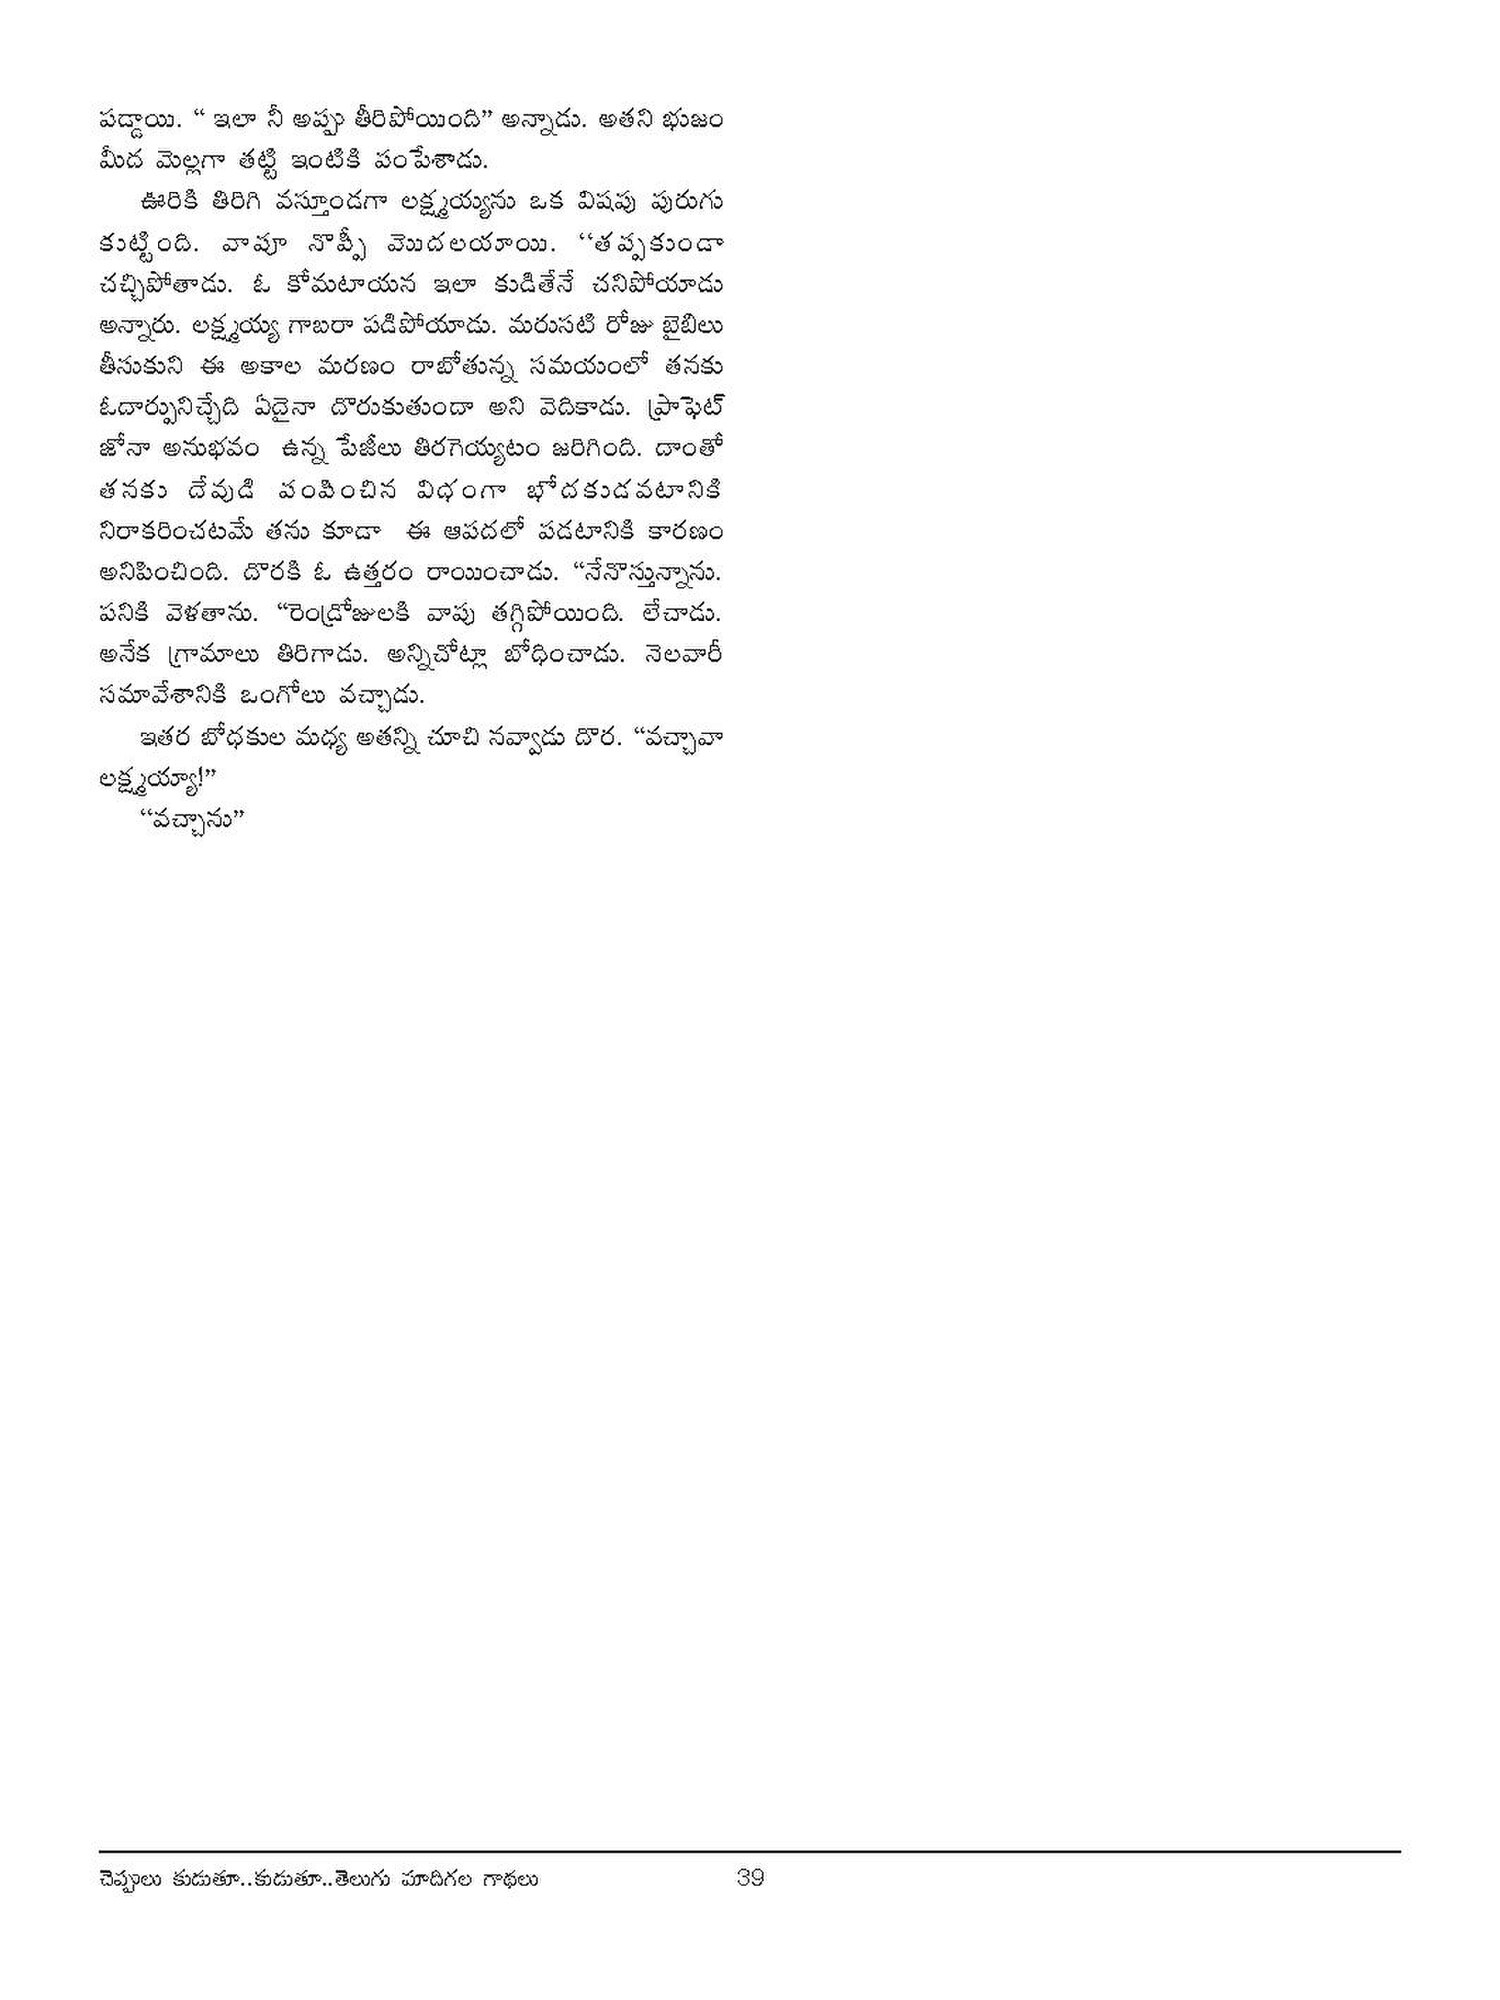పడ్డాయి. "ఇలా నీ అప్పు తీరిపోయింది" అన్నాడు. అతని భుజం మీద మెల్లగా తట్టి ఇంటికి పంపేశాడు.

ఊరికి తిరిగి వస్తూండగా లక్ష్మయ్యను ఒక విషపు పురుగు కుట్టింది. వాపూ నొప్పి మొదలయాయి. “తప్పకుండా చచ్చిపోతాడు. ఓ కోమటాయన ఇలా కుడితేనే చనిపోయాడు అన్నారు. లక్ష్మయ్య గాబరా పడిపోయాడు. మరుసటి రోజు బైబిలు తీసుకుని ఈ అకాల మరణం రాబోతున్న సమయంలో తనకు
ఓదార్పునిచ్చేది ఏదైనా దొరుకుతుందా అని వెదికాడు. ప్రాఫెట్ జోనా అనుభవం ఉన్న పేజీలు తిరగెయ్యటం జరిగింది. దాంతో తనకు దేవుడి పంపించిన విధంగా భోదకుడవటానికి నిరాకరించటమే తను కూడా ఈ ఆపదలో పడటానికి కారణం అనిపించింది. దొరకి ఓ ఉత్తరం రాయించాడు. "నేనొస్తున్నాను. పనికి వెళతాను. "రెండ్రోజులకి వాపు తగ్గిపోయింది. లేచాడు. అనేక గ్రామాలు తిరిగాడు. అన్నిచోట్లా బోధించాడు. నెలవారీ సమావేశానికి ఒంగోలు వచ్చాడు.

ఇతర బోధకుల మధ్య అతన్ని చూచి నవ్వాడు దొర. “వచ్చావా లక్ష్మయ్యా!"

“వచ్చాను”